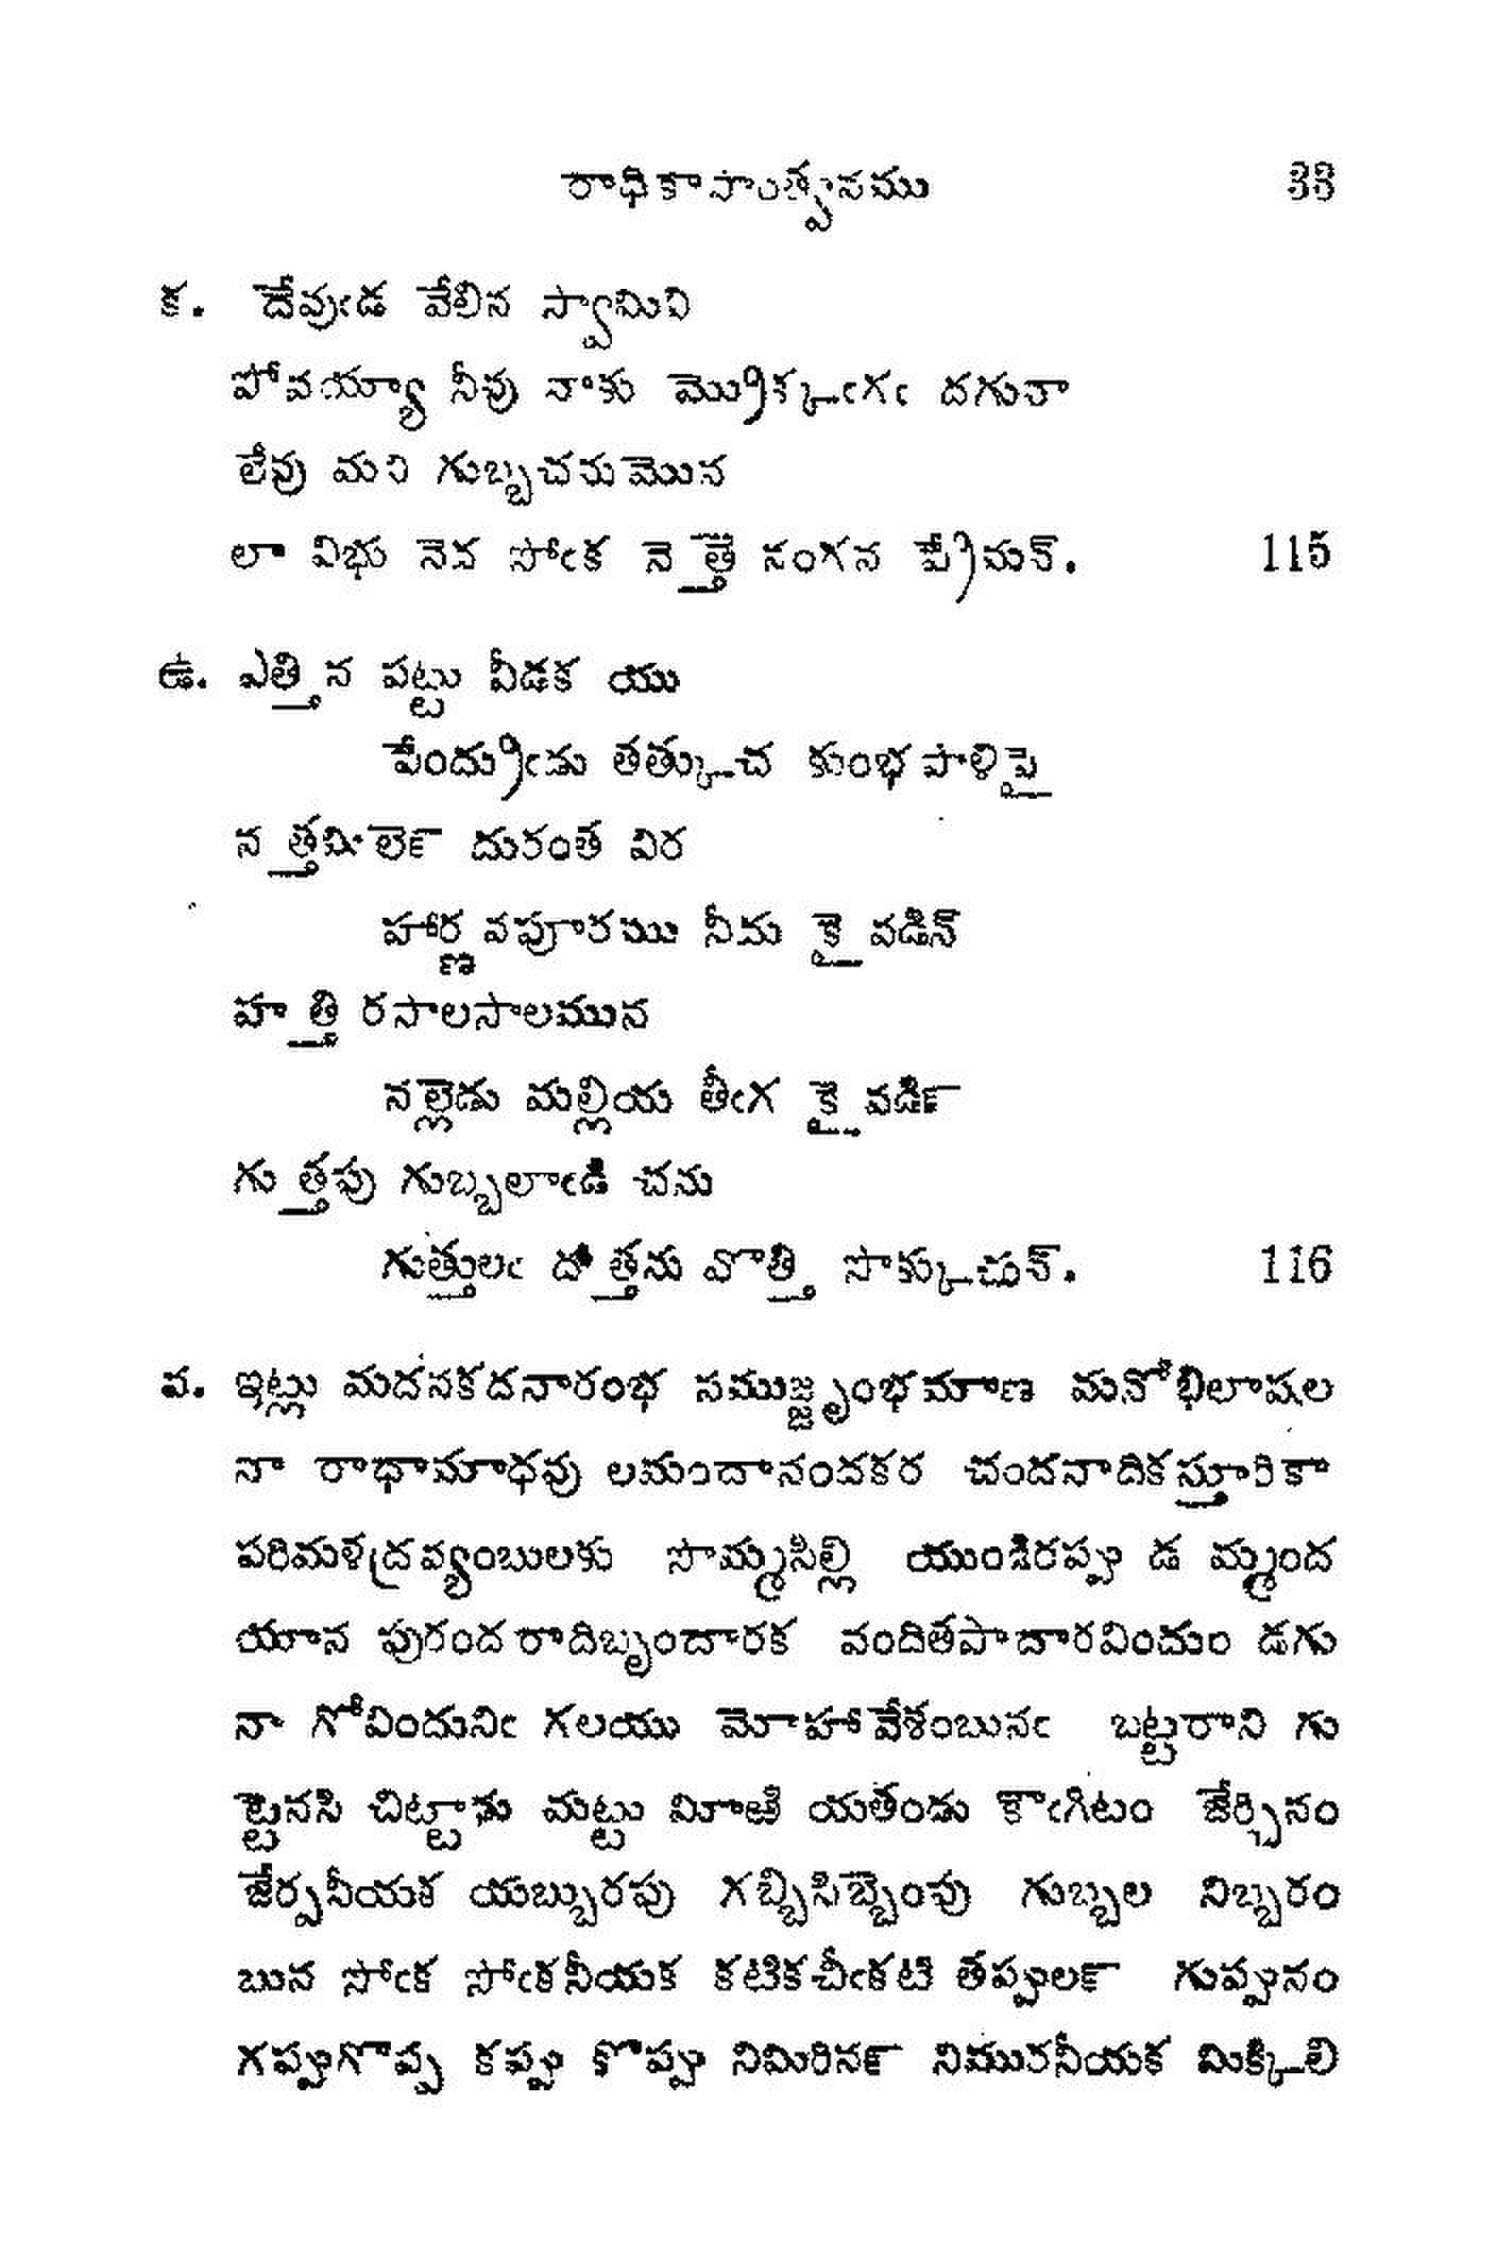క. దేవుఁడ వేలిన స్వామివి
పోవయ్యా నీవు నాకు మొక్కఁగఁ దగునా
లేవు మని గుబ్బచనుమొన
లా విభు నెద సోఁక నెత్తె నంగన ప్రేమన్. 115

ఉ. ఎత్తిన పట్టు వీడక యుపేంద్రుఁడు తత్కుచకుంభపాళిపై
నత్తమిలెన్ దురంతవిరహార్ణవపూరము నీదు కైవడిన్
హత్తి రసాలసాలమున నల్లెడు మల్లియతీగ కైవడిన్
గుత్తపు గుబ్బలాఁడి చనుగుత్తులఁ దత్తను వొత్తి సొక్కుచున్. 116

వ. ఇట్లు మదనకదనారంభసముజ్జృంభమాణమనోభిలాషల నా రాధామాధవు లమందానందకరచందనాదికస్తూరికాపరిమళద్రవ్యంబులకు సొమ్మసిల్లియుండి రప్పు డమ్మందయాన పురందరాదిబృందారకవందితపాదారవిందుం డగు నా గోవిందునిఁ గలయు మోహావేశంబునఁ బట్టరాని గుట్టెనసి చిట్టాడు మట్టు మీఱి యతండు కౌఁగిటం జేర్చినం జేర్పనీయక యబ్బురపు గబ్బిసిబ్బెంపు గుబ్బల నిబ్బరంబున సోఁక సోఁకనీయక కటికచీకటితప్పులన్ గుప్పునం గప్పు గొప్పకప్పుకొప్పు నిమిరిన నిమురనీయక మిక్కిలి